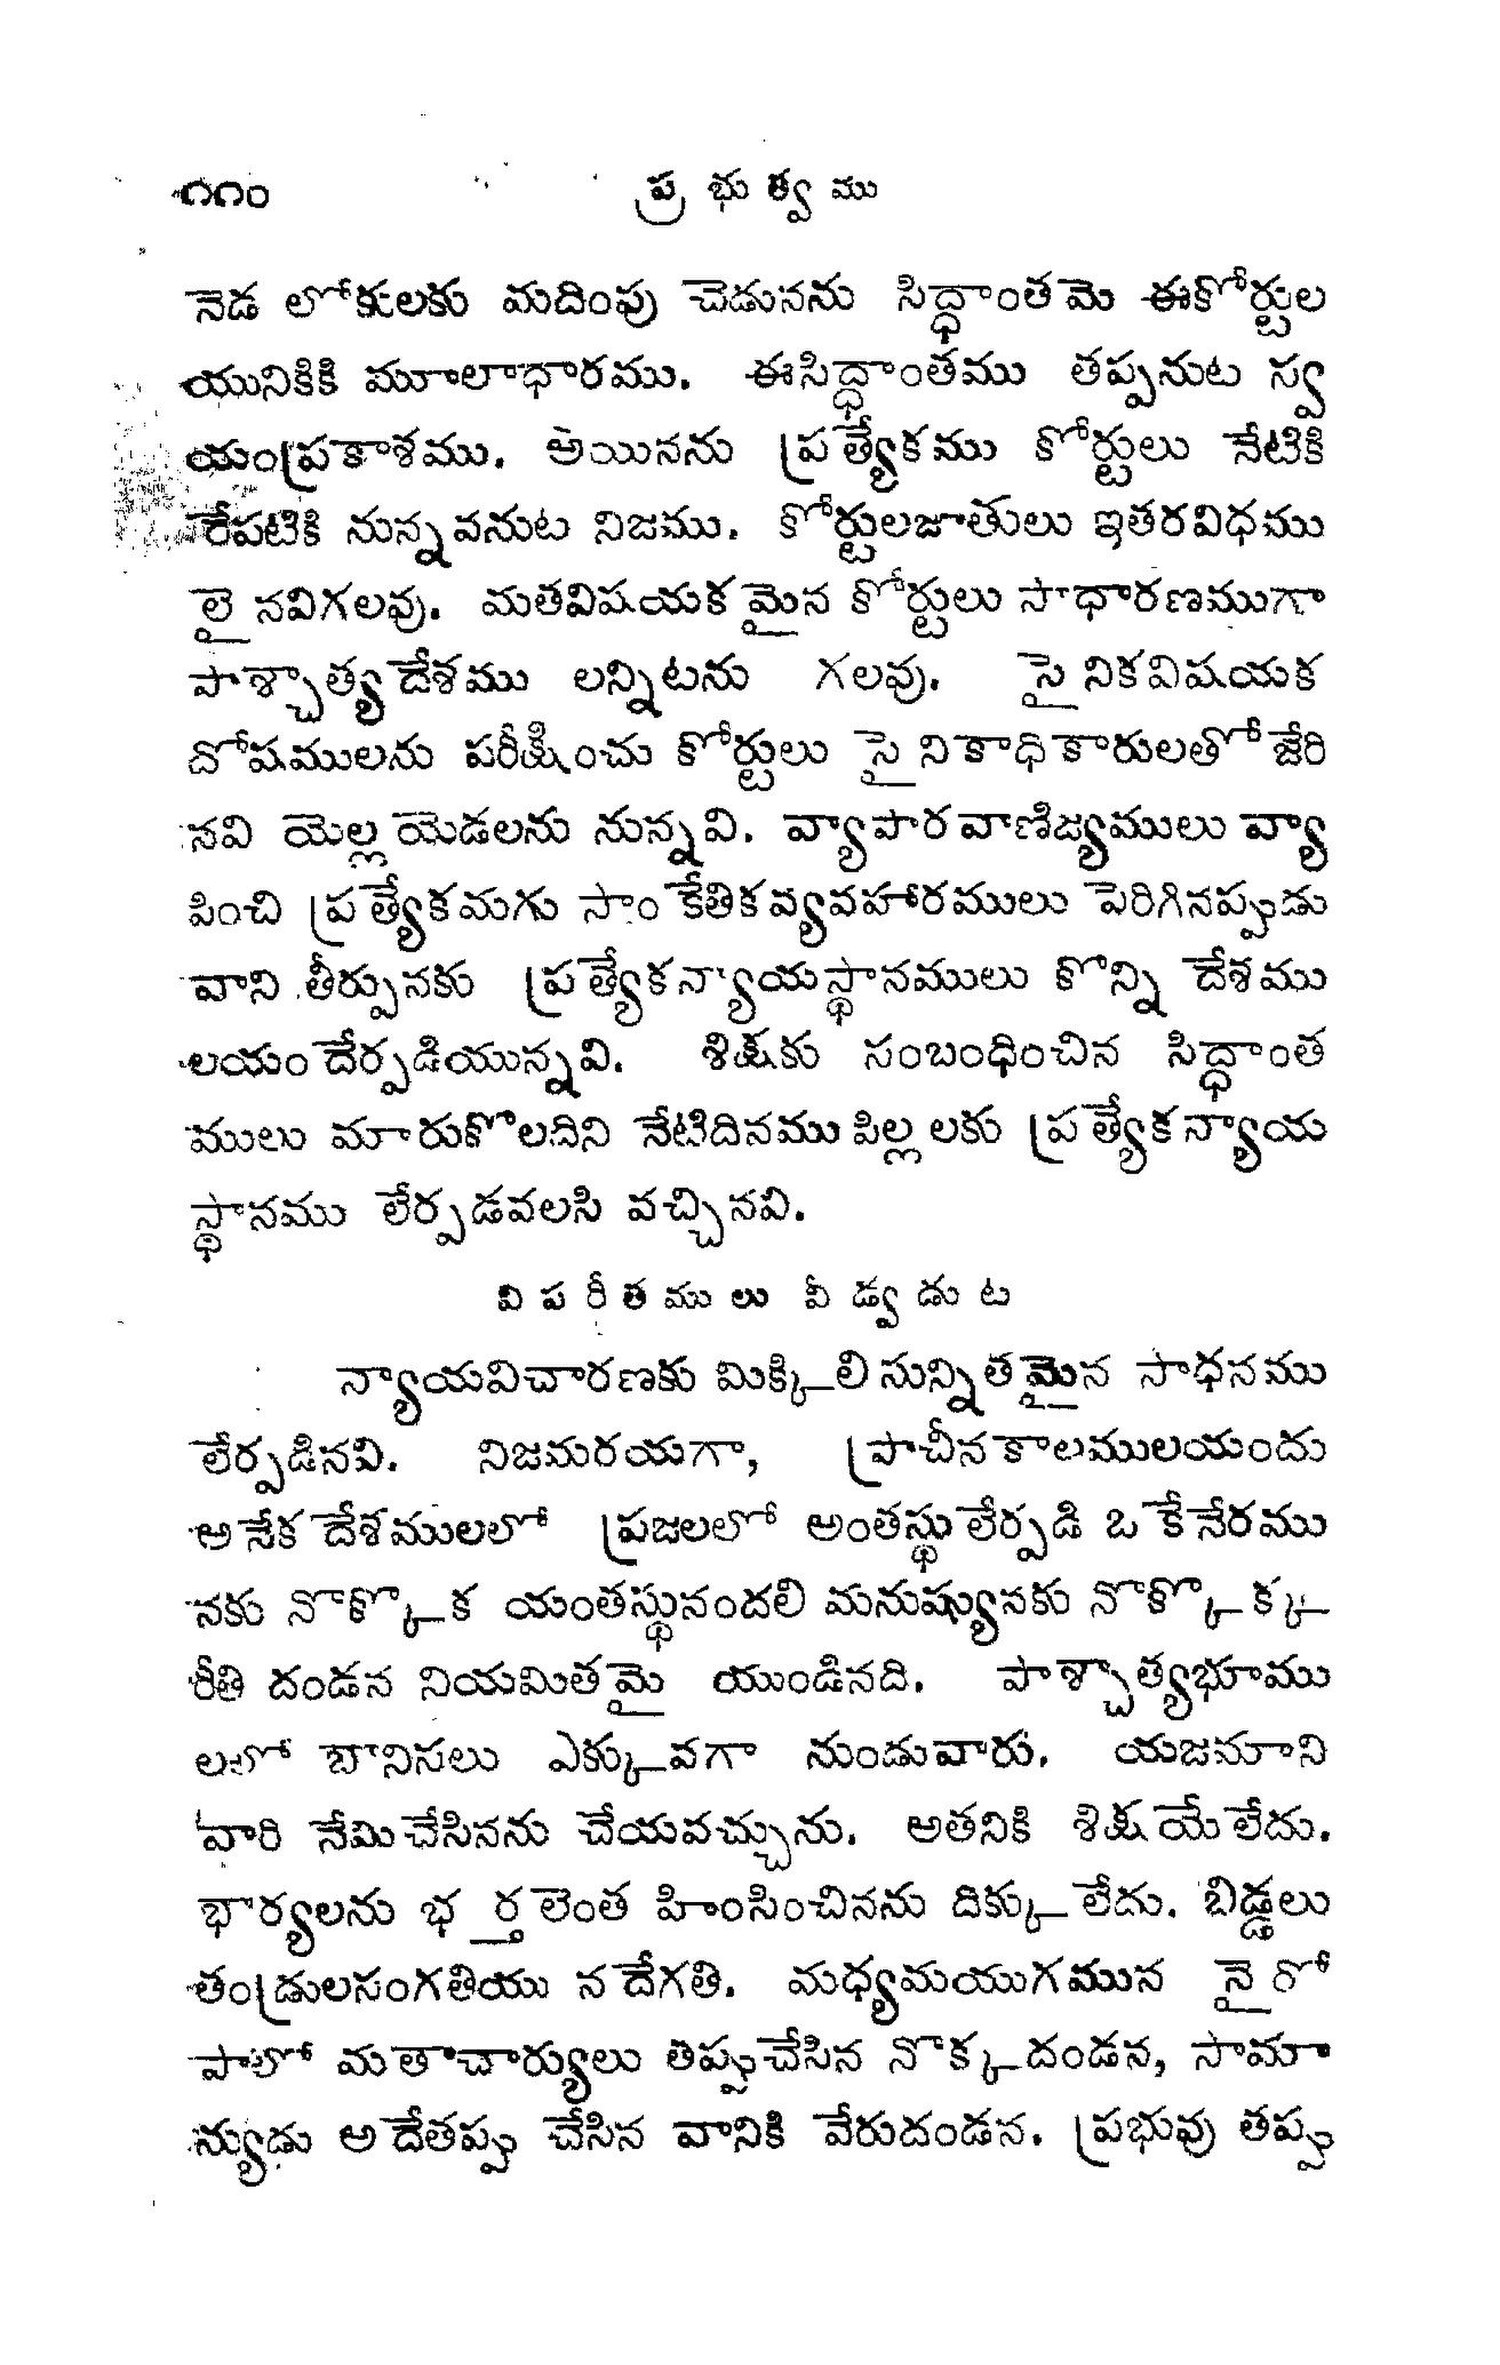నెడ లోకులకు మదింపు చెడునను సిద్ధాంతమె ఈకోర్టుల యునికికి మూలాధారము. ఈసిద్ధాంతము తప్పనుట స్వయంప్రకాశము. అయినను ప్రత్యేకము కోర్టులు నేటికి రేపటికి నున్నవనుట నిజము. కోర్టులజాతులు ఇతరవిధములైనవిగలవు. మతవిషయకమైన కోర్టులు సాధారణముగా పాశ్చాత్య దేశము లన్నిటను గలవు. సైనికవిషయక దోషములను పరీక్షించు కోర్టులు సైనికాధికారులతో జేరినవి యెల్లయెడలను నున్నవి. వ్యాపారవాణిజ్యములు వ్యాపించి ప్రత్యేకమగు సాంకేతికవ్యవహారములు పెరిగినప్పుడు వాని తీర్పునకు ప్రత్యేకన్యాయస్థానములు కొన్ని దేశములయం దేర్పడియున్నవి. శిక్షకు సంబంధించిన సిద్ధాంతములు మారుకొలదిని నేటిదినము పిల్ల లకు ప్రత్యేకన్యాయస్థానము లేర్పడవలసి వచ్చినవి.

న్యాయవిచారణకు మిక్కిలి సున్నితమైన సాధనము లేర్పడినవి. నిజమరయగా, ప్రాచీనకాలముల యందు అనేక దేశములలో ప్రజలలో అంతస్థులేర్పడి ఒకేనేరమునకు నొక్కొక యంతస్థునందలి మనుష్యునకు నొక్కొక్క రీతి దండన నియమితమై యుండినది. పాశ్చాత్యభూములలో బానిసలు ఎక్కువగా నుండువారు. యజమాని వారి నేమి చేసినను చేయవచ్చును. అతనికి శిక్షయేలేదు.
భార్యలను భర్తలెంత హింసించినను దిక్కు లేదు. బిడ్డలు తండ్రులసంగతియు నదేగతి. మధ్యమయుగమున నైరోపాలో మతాచార్యులు తప్పుచేసిన నొక్కదండన, సామాన్యుడు అదేతప్పు చేసిన వానికి వేరుదండన. ప్రభువు తప్పు